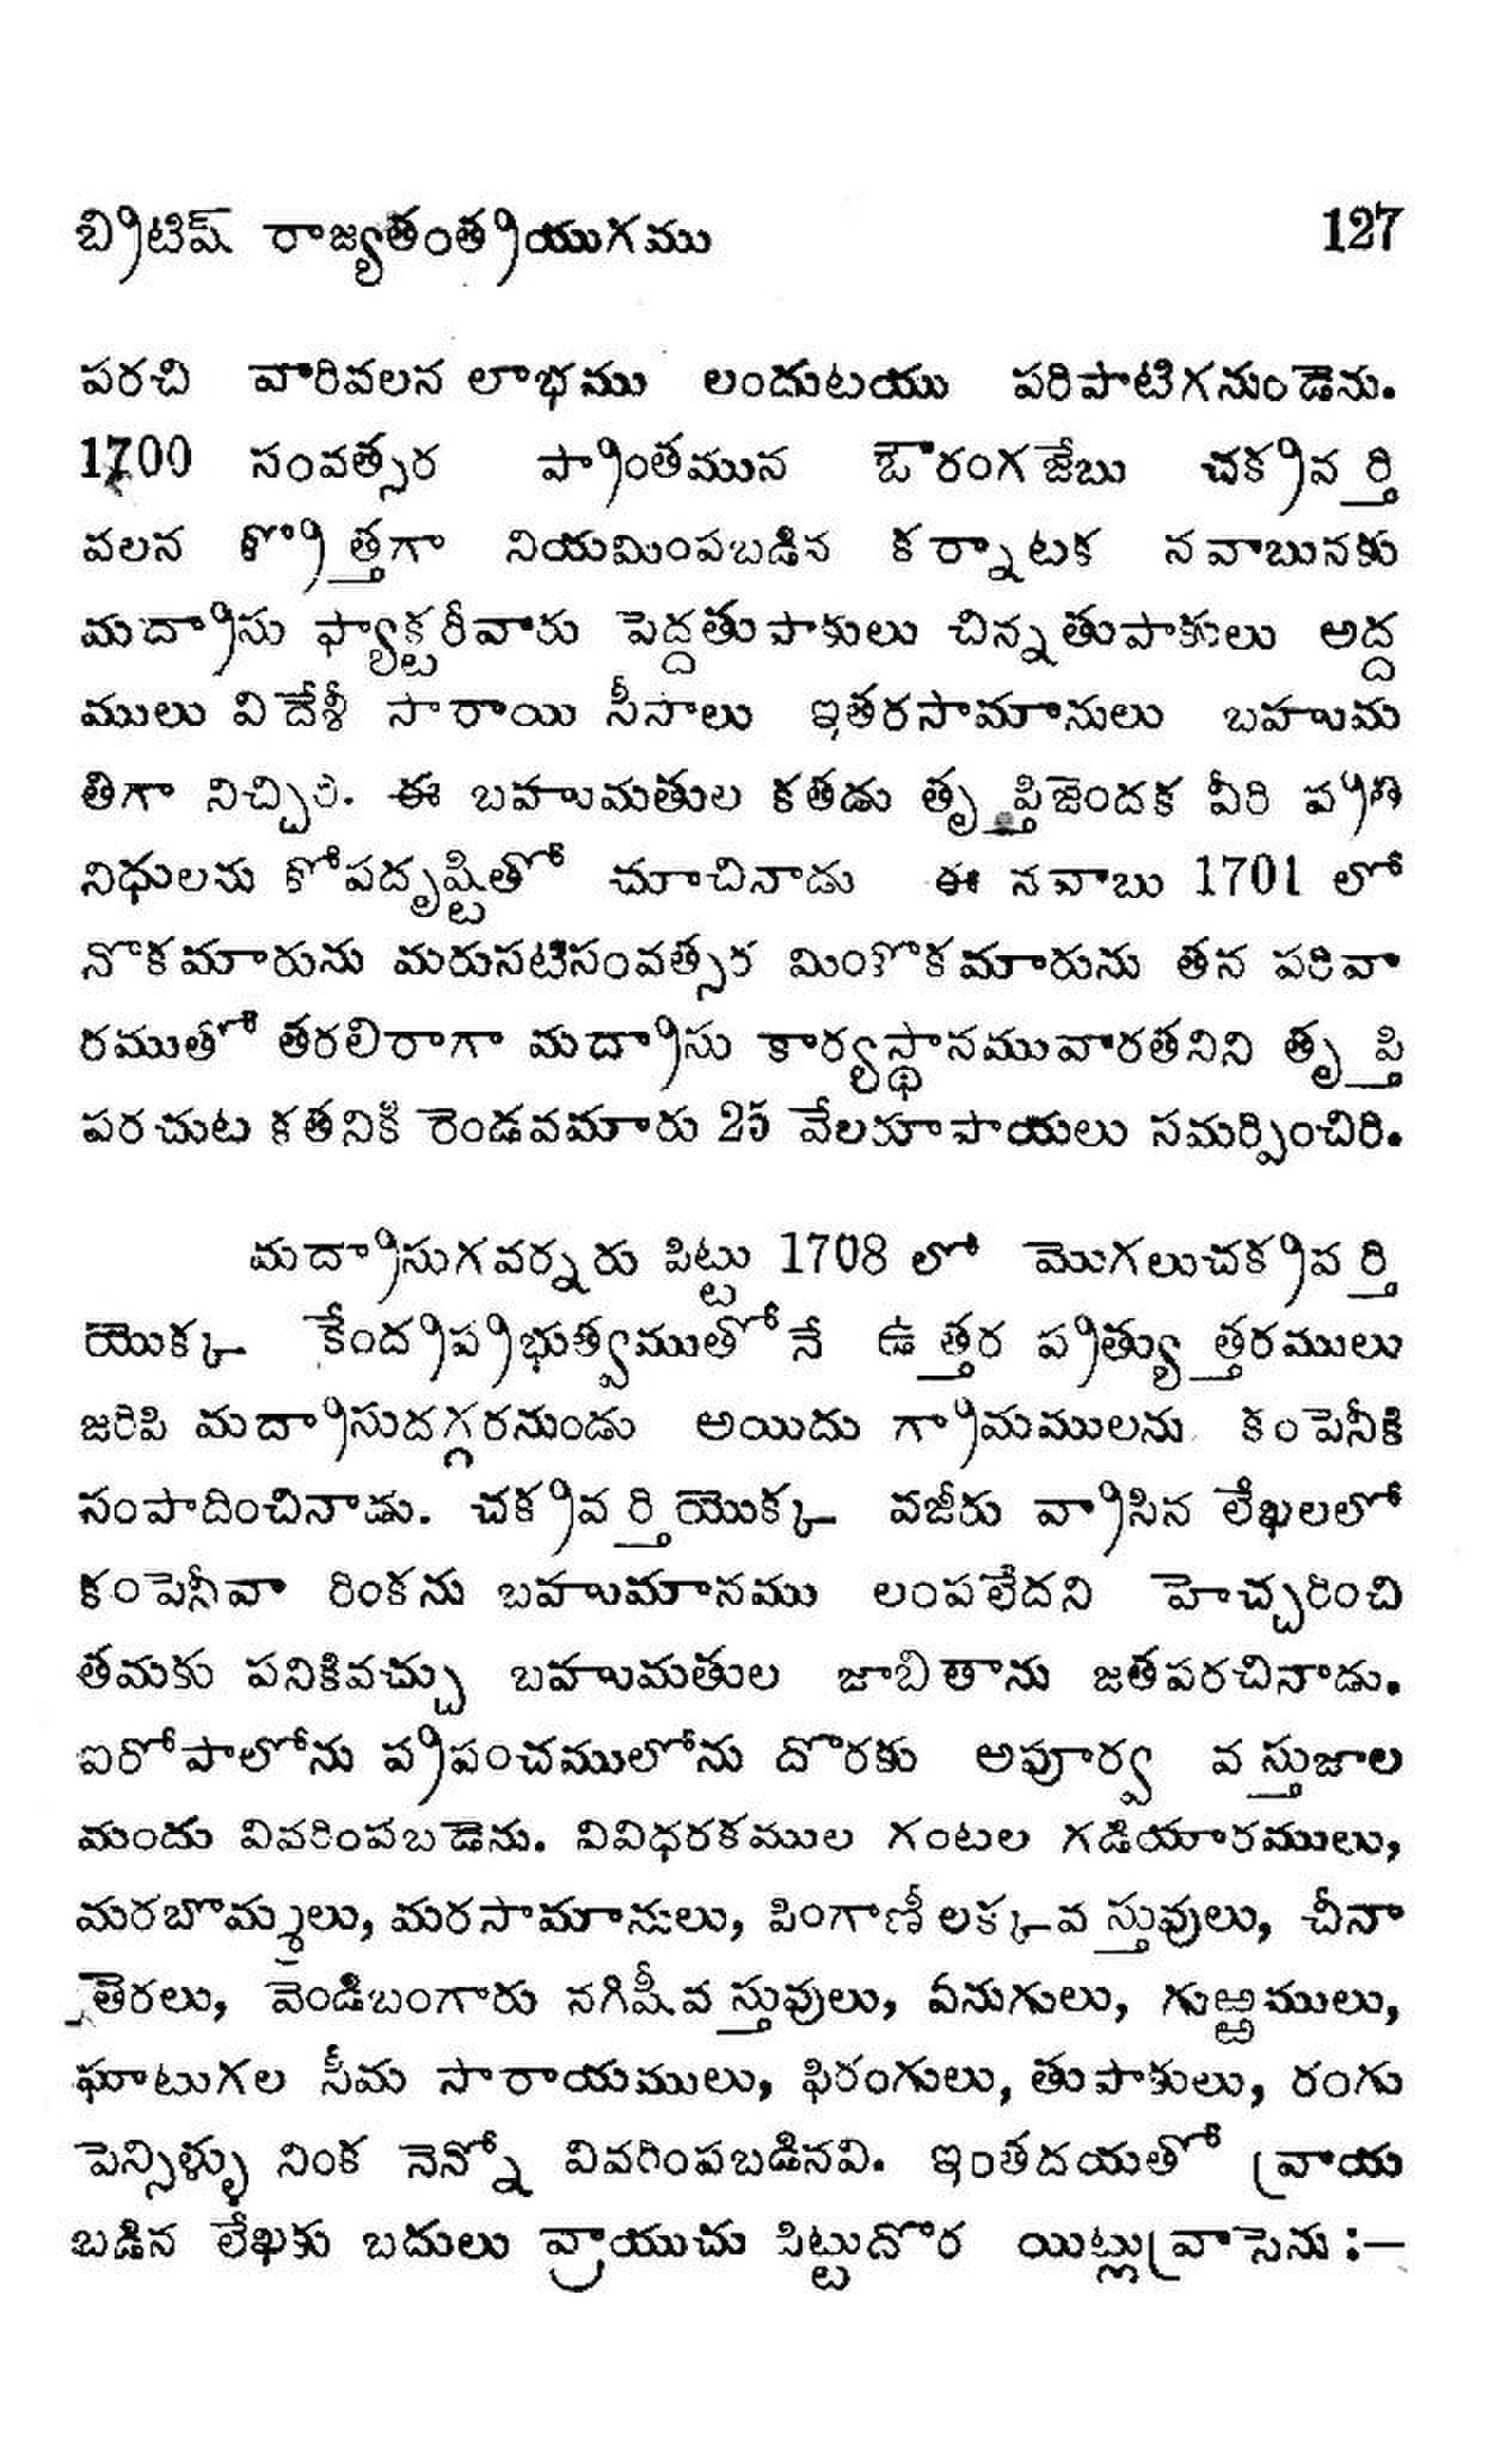పరచి వారివలన లాభము లందుటయు పరిపాటిగనుండెను. 1700 సంవత్సర ప్రాంతమున ఔరంగజేబు చక్రవర్తి వలన క్రొత్తగా నియమింపబడిన కర్నాటక నవాబునకు మద్రాసు ఫ్యాక్టరీవారు పెద్దతుపాకులు చిన్నతుపాకులు అద్దములు విదేశీ సారాయి సీసాలు ఇతరసామానులు బహుమతిగా నిచ్చిరి. ఈ బహుమతుల కతడు తృప్తిజెందక వీరి ప్రతినిధులను కోపదృష్టితో చూచినాడు ఈ నవాబు 1701 లో నొకమారును మరుసటి సంవత్సర మింకొకమారును తన పరివారముతో తరలిరాగా మద్రాసు కార్యస్థానము వారతనిని తృప్తి పరచుట కతనికి రెండవమారు 25 వేలరూపాయలు సమర్పించిరి.

మద్రాసుగవర్నరు పిట్టు 1708 లో మొగలుచక్రవర్తి యొక్క కేంద్రప్రభుత్వముతో నే ఉత్తర ప్రత్యుత్తరములు జరిపి మద్రాసుదగ్గరనుండు అయిదు గ్రామములను కంపెనీకి సంపాదించినాడు. చక్రవర్తియొక్క వజీరు వ్రాసిన లేఖలలో కంపెనీవా రింకను బహుమానము లంపలేదని హెచ్చరించి తమకు పనికివచ్చు బహుమతుల జాబితాను జతపరచినాడు. ఐరోపాలోను ప్రపంచములోను దొరకు అపూర్వ వస్తుజాల మందు వివరింపబడెను. వివిధరకముల గంటల గడియారములు, మరబొమ్మలు, మరసామానులు, పింగాణీలక్కవస్తువులు, చీనా తెరలు, వెండిబంగారు నగిషీవస్తువులు, ఏనుగులు, గుఱ్ఱములు, ఘాటుగల సీమ సారాయములు, ఫిరంగులు, తుపాకులు, రంగు పెన్సిళ్ళు నింక నెన్నో వివరింపబడినవి. ఇంతదయతో వ్రాయబడిన లేఖకు బదులు వ్రాయుచు పిట్టుదొర యిట్లు వ్రాసెను :-